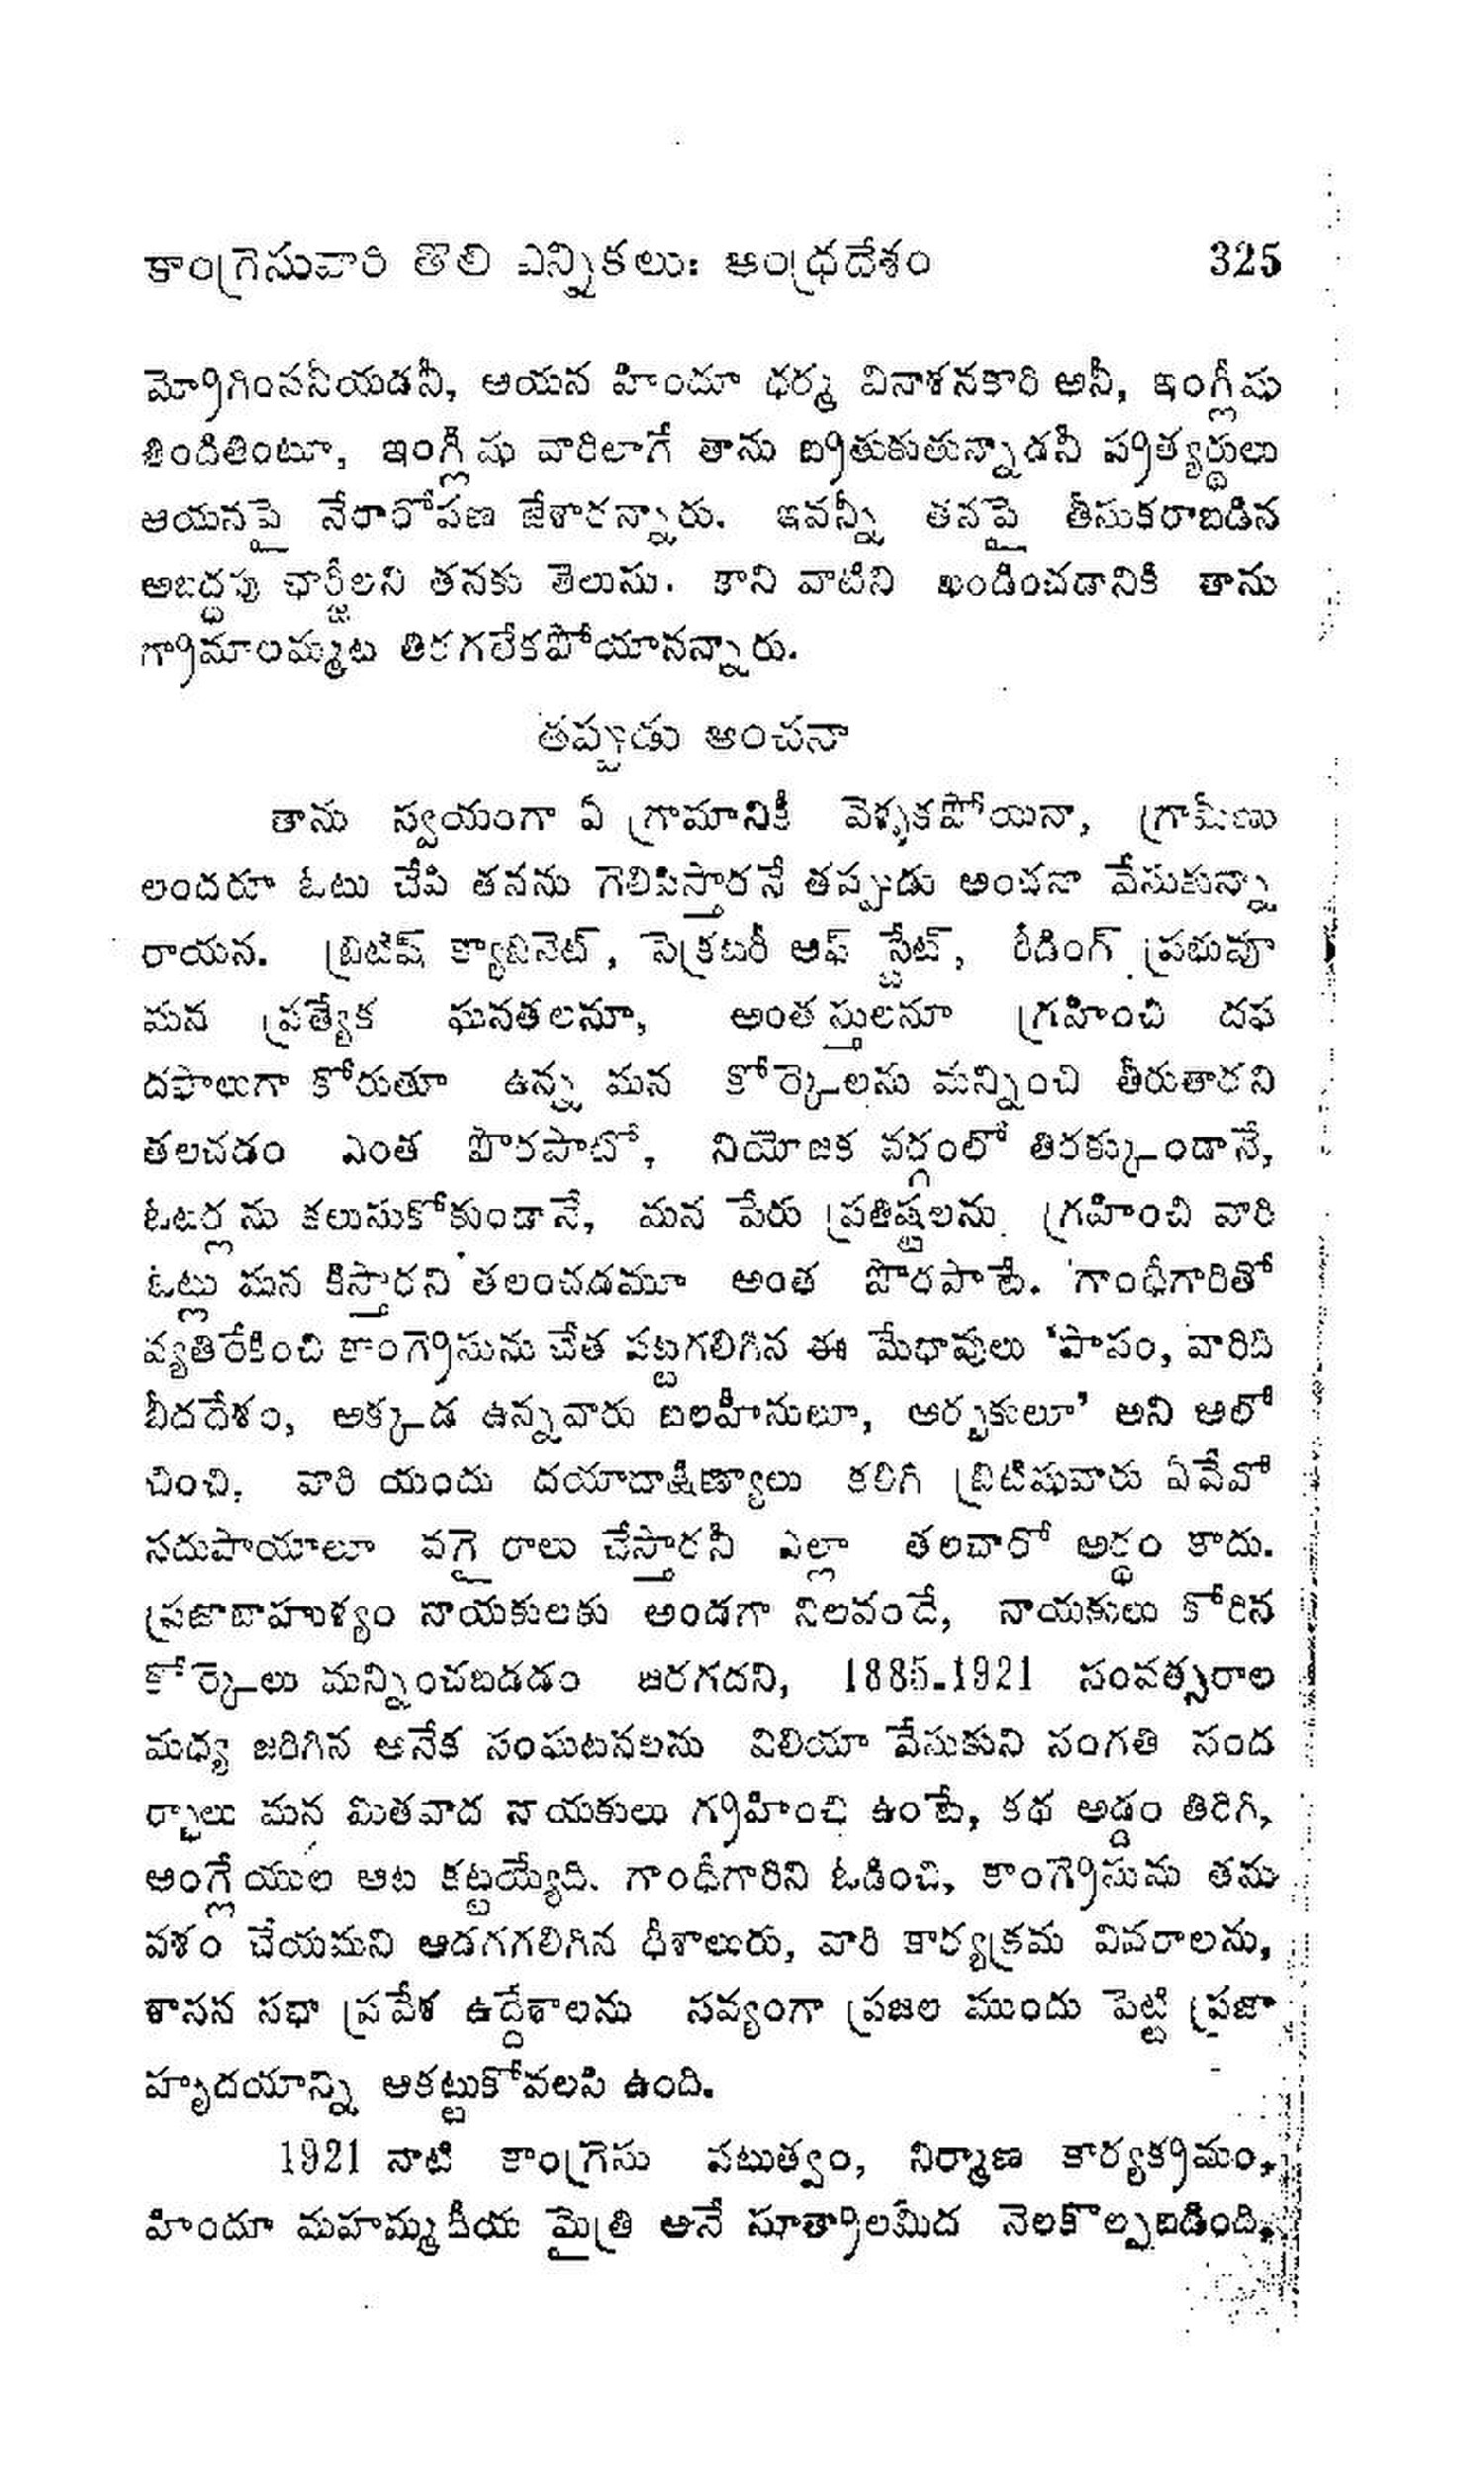మ్రోగింపనీయడనీ, ఆయన హిందూ ధర్మ వినాశనకారి అనీ, ఇంగ్లీషు తిండితింటూ, ఇంగ్లీషు వారిలాగే తాను బ్రతుకుతున్నాడనీ ప్రత్యర్థులు ఆయనపై నేరారోపణ జేశారన్నారు. ఇవన్నీ తనపై తీసుకరాబడిన అబద్ధపు ఛార్జీలని తనకు తెలుసు. కాని వాటిని ఖండించడానికి తాను గ్రామాలమ్మట తిరగలేకపోయానన్నారు.

తాను స్వయంగా ఏ గ్రామానికీ వెళ్ళకపోయినా, గ్రామీణులందరూ ఓటు చేసి తనను గెలిపిస్తారనే తప్పుడు అంచనా వేసుకున్నారాయన. బ్రిటిష్ క్యాబినెట్, సెక్రటరీ ఆఫ్ స్టేట్, రీడింగ్ ప్రభువూ మన ప్రత్యేక ఘనతలనూ, అంతస్తులనూ గ్రహించి దఫదఫాలుగా కోరుతూ ఉన్న మన కోర్కెలను మన్నించి తీరుతారని తలచడం ఎంత పొరపాటో, నియోజక వర్గంలో తిరక్కుండానే, ఓటర్లను కలుసుకోకుండానే, మన పేరు ప్రతిష్టలను గ్రహించి వారి ఓట్లు మన కిస్తారని తలంచడమూ అంత పొరపాటే. గాంధీగారితో వ్యతిరేకించి కాంగ్రెసును చేత పట్టగలిగిన ఈ మేధావులు "పాపం, వారిది బీద దేశం, అక్కడ ఉన్నవారు బలహీనులూ, అర్బకులూ" అని ఆలోచించి, వారి యందు దయాదాక్షిణ్యాలు కలిగి బ్రిటిషువారు ఏవేవో సదుపాయాలూ వగైరాలు చేస్తారని ఎల్లా తలచారో అర్థం కాదు. ప్రజాబాహుళ్యం నాయకులకు అండగా నిలవందే, నాయకులు కోరిన కోర్కెలు మన్నించబడడం జరగదని, 1885-1921 సంవత్సరాల మధ్య జరిగిన అనేక సంఘటనలను విలియా వేసుకుని సంగతి సందర్భాలు మన మితవాద నాయకులు గ్రహించి ఉంటే, కథ అడ్డం తిరిగి, ఆంగ్లేయుల ఆట కట్టయ్యేది. గాంధీగారిని ఓడించి, కాంగ్రెసును తమవశం చేయమని అడగగలిగిన ధీశాలురు, వారి కార్యక్రమ వివరాలను, శాసన సభా ప్రవేశ ఉద్దేశాలను సవ్యంగా ప్రజల ముందు పెట్టి ప్రజా హృదయాన్ని ఆకట్టుకోవలసి ఉంది.

1921 నాటి కాంగ్రెసు పటుత్వం, నిర్మాణ కార్యక్రమం, హిందూ మహమ్మదీయ మైత్రి అనే సూత్రాలమీద నెలకొల్పబడింది,